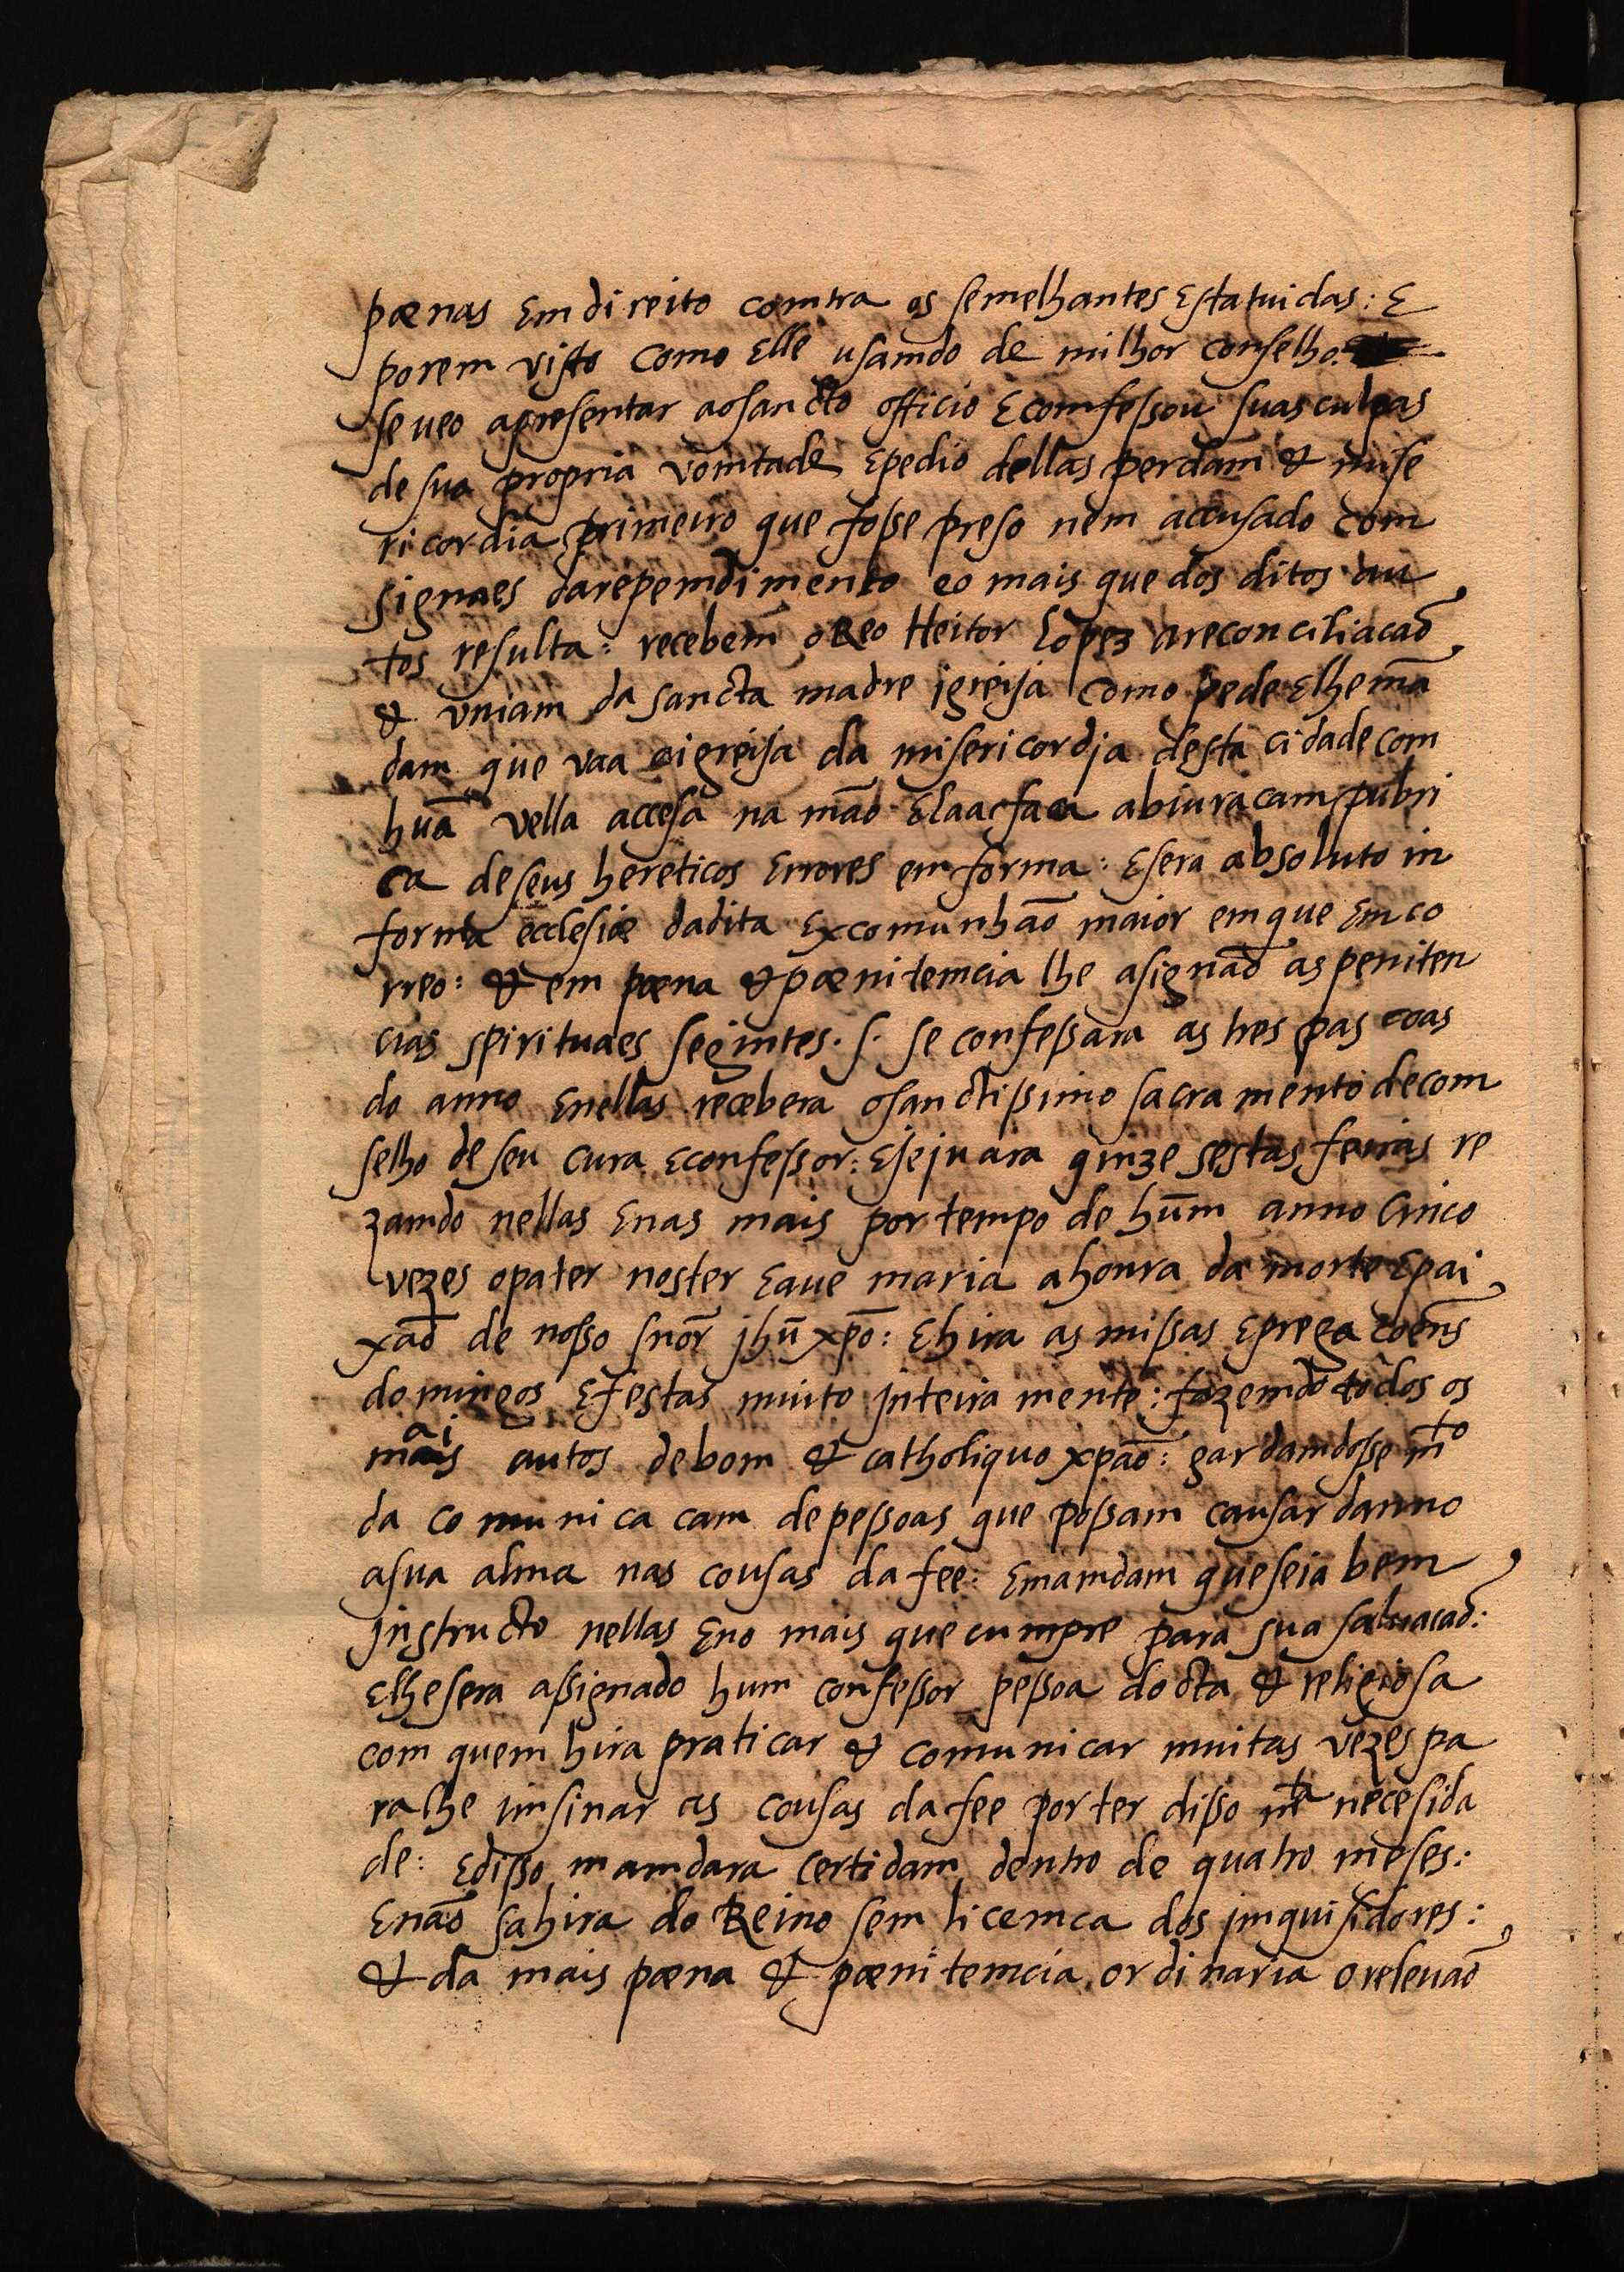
pœnas Em direito comtra os semelhantes Estatuidas: E
porem visto como Elle usamdo de milhor conselho.
se ueo apresentar ao sancto officio E comfessou suas culpas
de sua propria vomtade E pedio dellas perdam & mise
ricordia primeiro que fosse preso nem accusado com
signaes darepemdimento e o mais que dos ditos au
tos resulta: recebem o Reo Heitor lopez a reconciliaçaõ
& vniam da sancta madre igreija como pede E lhe mā
dam que vaa a igreija da misericordja desta cidade com
huā vella accesa na mão E laa faça abiuraçam pubri
ca de seus hereticos Errores em forma: E sera absoluto in
forma ecclesiæ da dita Excomunhão maior em que Emco
rreo: & em pœna & pœnitemcia lhe asignaõ as peniten
cias spirituaes segintes .s. se confessara as tres pascoas
do anno E nellas recebera o sanctissimo sacramento de com
selho de seu cura E confessor: E jejuara qinze sestas feiras re
zamdo nellas E nas mais por tempo de hūm anno cinco
vezes o pater noster E aue maria a honra da morte e pai
xão de nosso snor̄ jhū xpō: E hira as missas E pregaçoens
domingos e festas muito jnteiramente: fazemdo todos os
mais autos de bom & catholiquo xpaõ: gardamdosse mto
da comunicaçam de pessoas que possam causar danno
a sua alma nas cousas da fee: E mamdam que seia bem
jnstructo nellas E no mais que cumpre para sua saluaçaõ:
E lhe sera assignado hum confessor pessoa docta & religiosa
com quem hira praticar & comunicar muitas vezes pa
ra lhe imsinar as cousas da fee por ter disso mta necesida
de: E disso mandara certidam dentro de quatro meses:
E não sahira do Reino sem licemça dos jmquisidores:
& da mais pœna & pœnitemcia ordinaria o releuaõ
